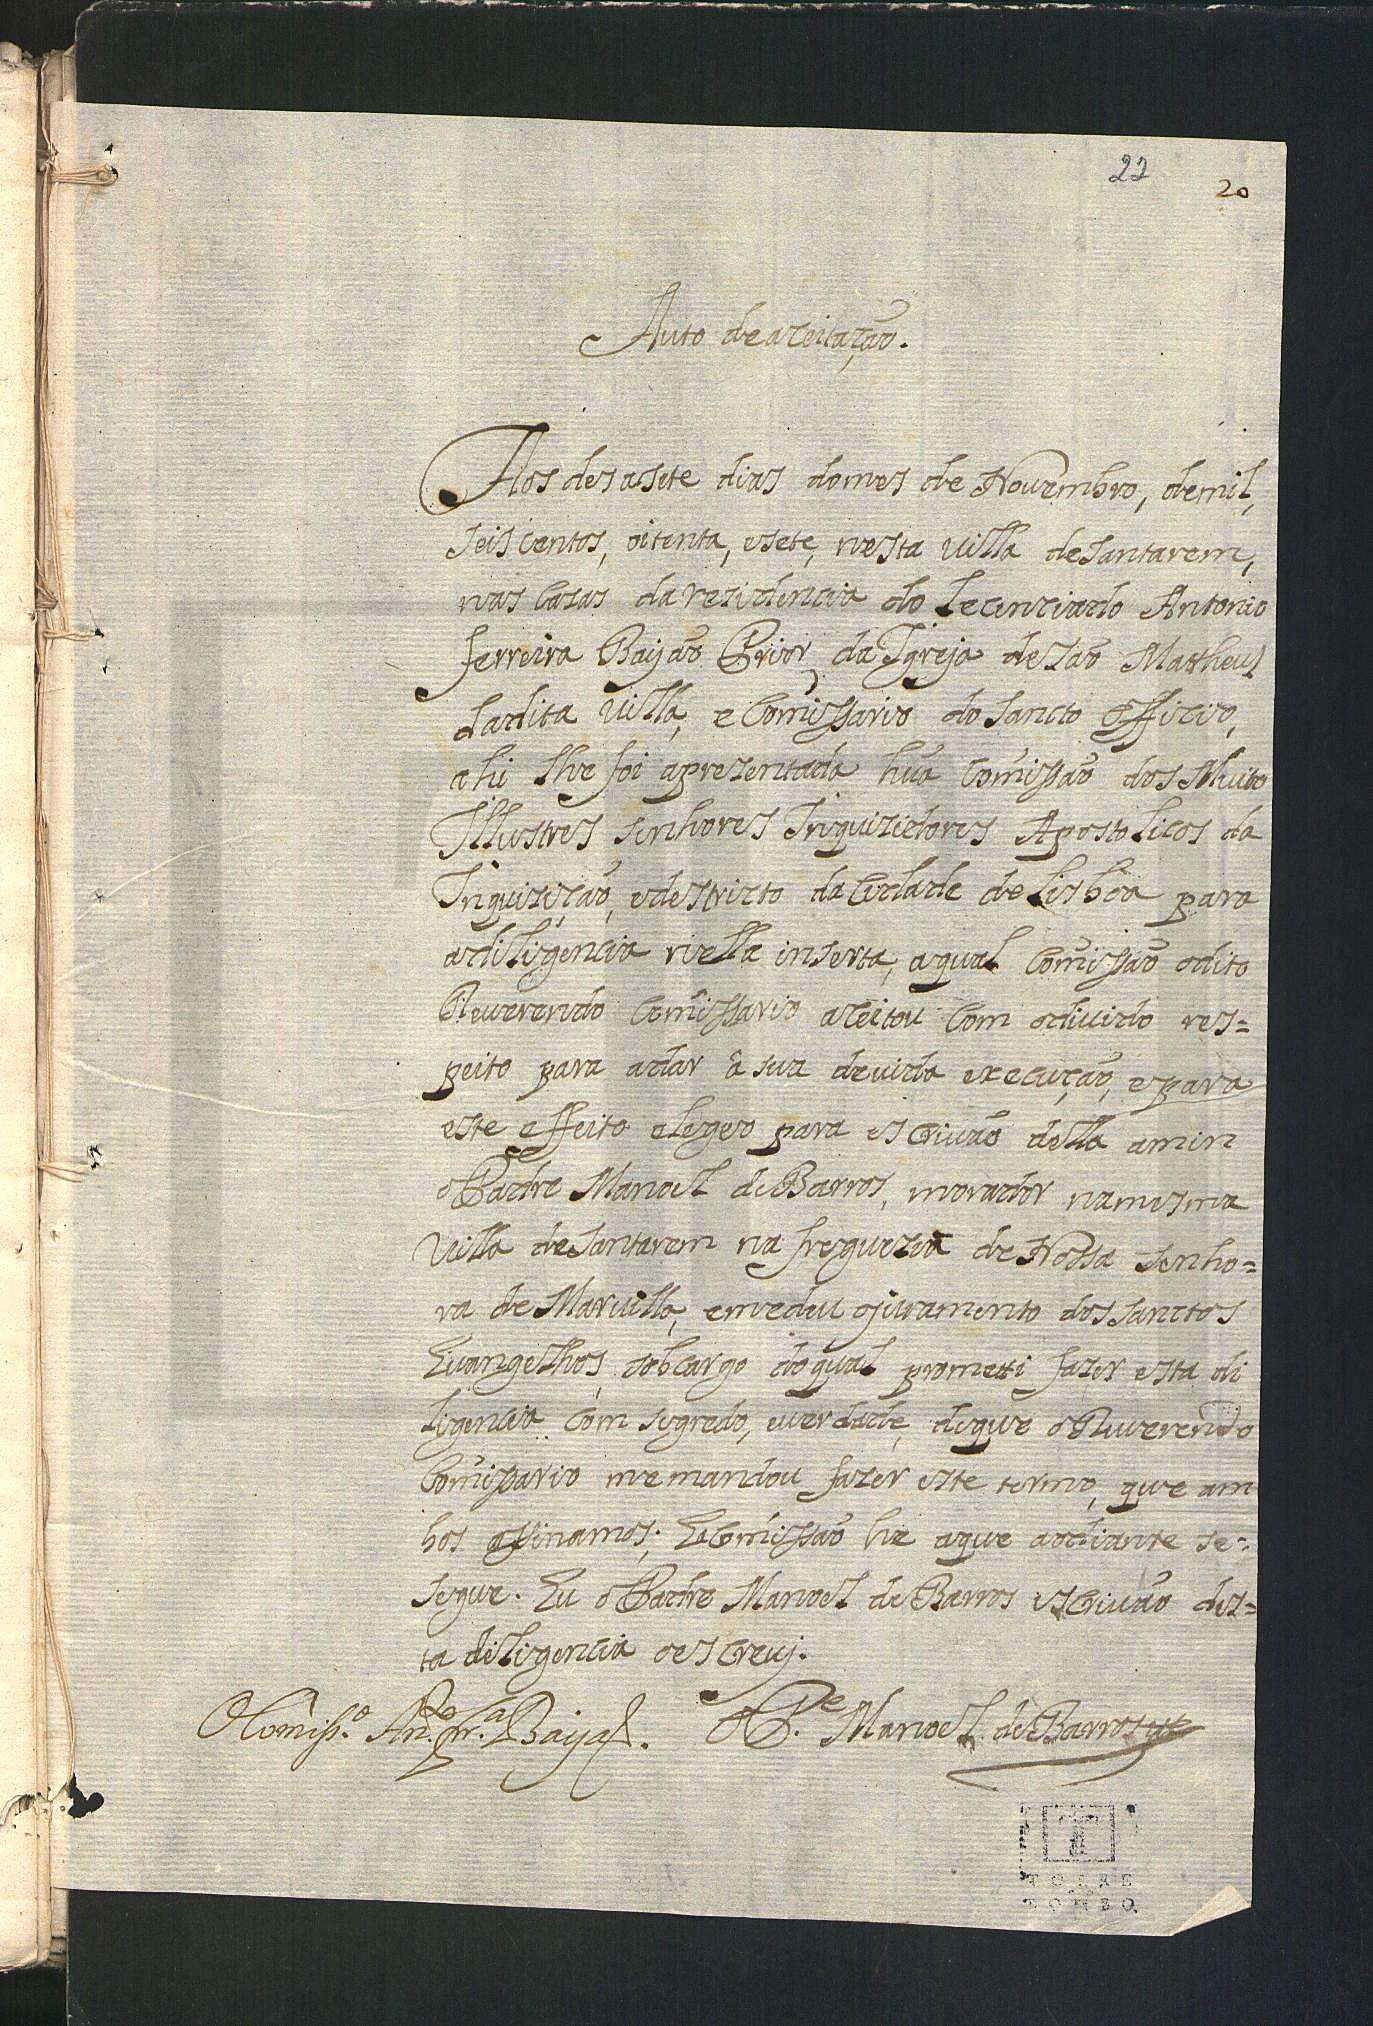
Auto de aceitaçaõ.
Aos desasete dias do mes de Nouembro, de mil,
seiscentos, oitenta, e sete, nesta uilla de santarem,
nas cazas da rezidencia do Lecenciado Antonio
Ferreira Bayaõ Prior, da Igreja de Saõ Matheus
da dita uilla, e Comissario do Sancto Officio,
ahi lhe foi aprezentada huā comissaõ dos Muito
Illustres Senhores Inquizidores Apostolicos da
Inquiziçaõ, e destricto da Cidade de Lisboa para
a diligencia nella inserta, a qual com̄issaõ o dito
Reuerendo com̄issario aceitou com o diuido res
peito para a dar à sua deuida execuçaõ, e para
este effeito elegeo para escriuaõ della a min
o Padre Manoel de Barros, morador na mesma
Uilla de Santarem na freguezia de Nossa Senho
ra de Maruilla, e me deu o juramento dos sanctos
Euangelhos sob cargo do qual prometti fazer esta di
ligencia com segredo, e uerdade, de que o Reuerendo
Com̄issario me mandou fazer este termo que am
bos assinamos; E a com̄issaõ he a que ao diante se
segue. Eu o Padre Manoel de Barros escriuaõ des
ta diligencia o escreuj.
